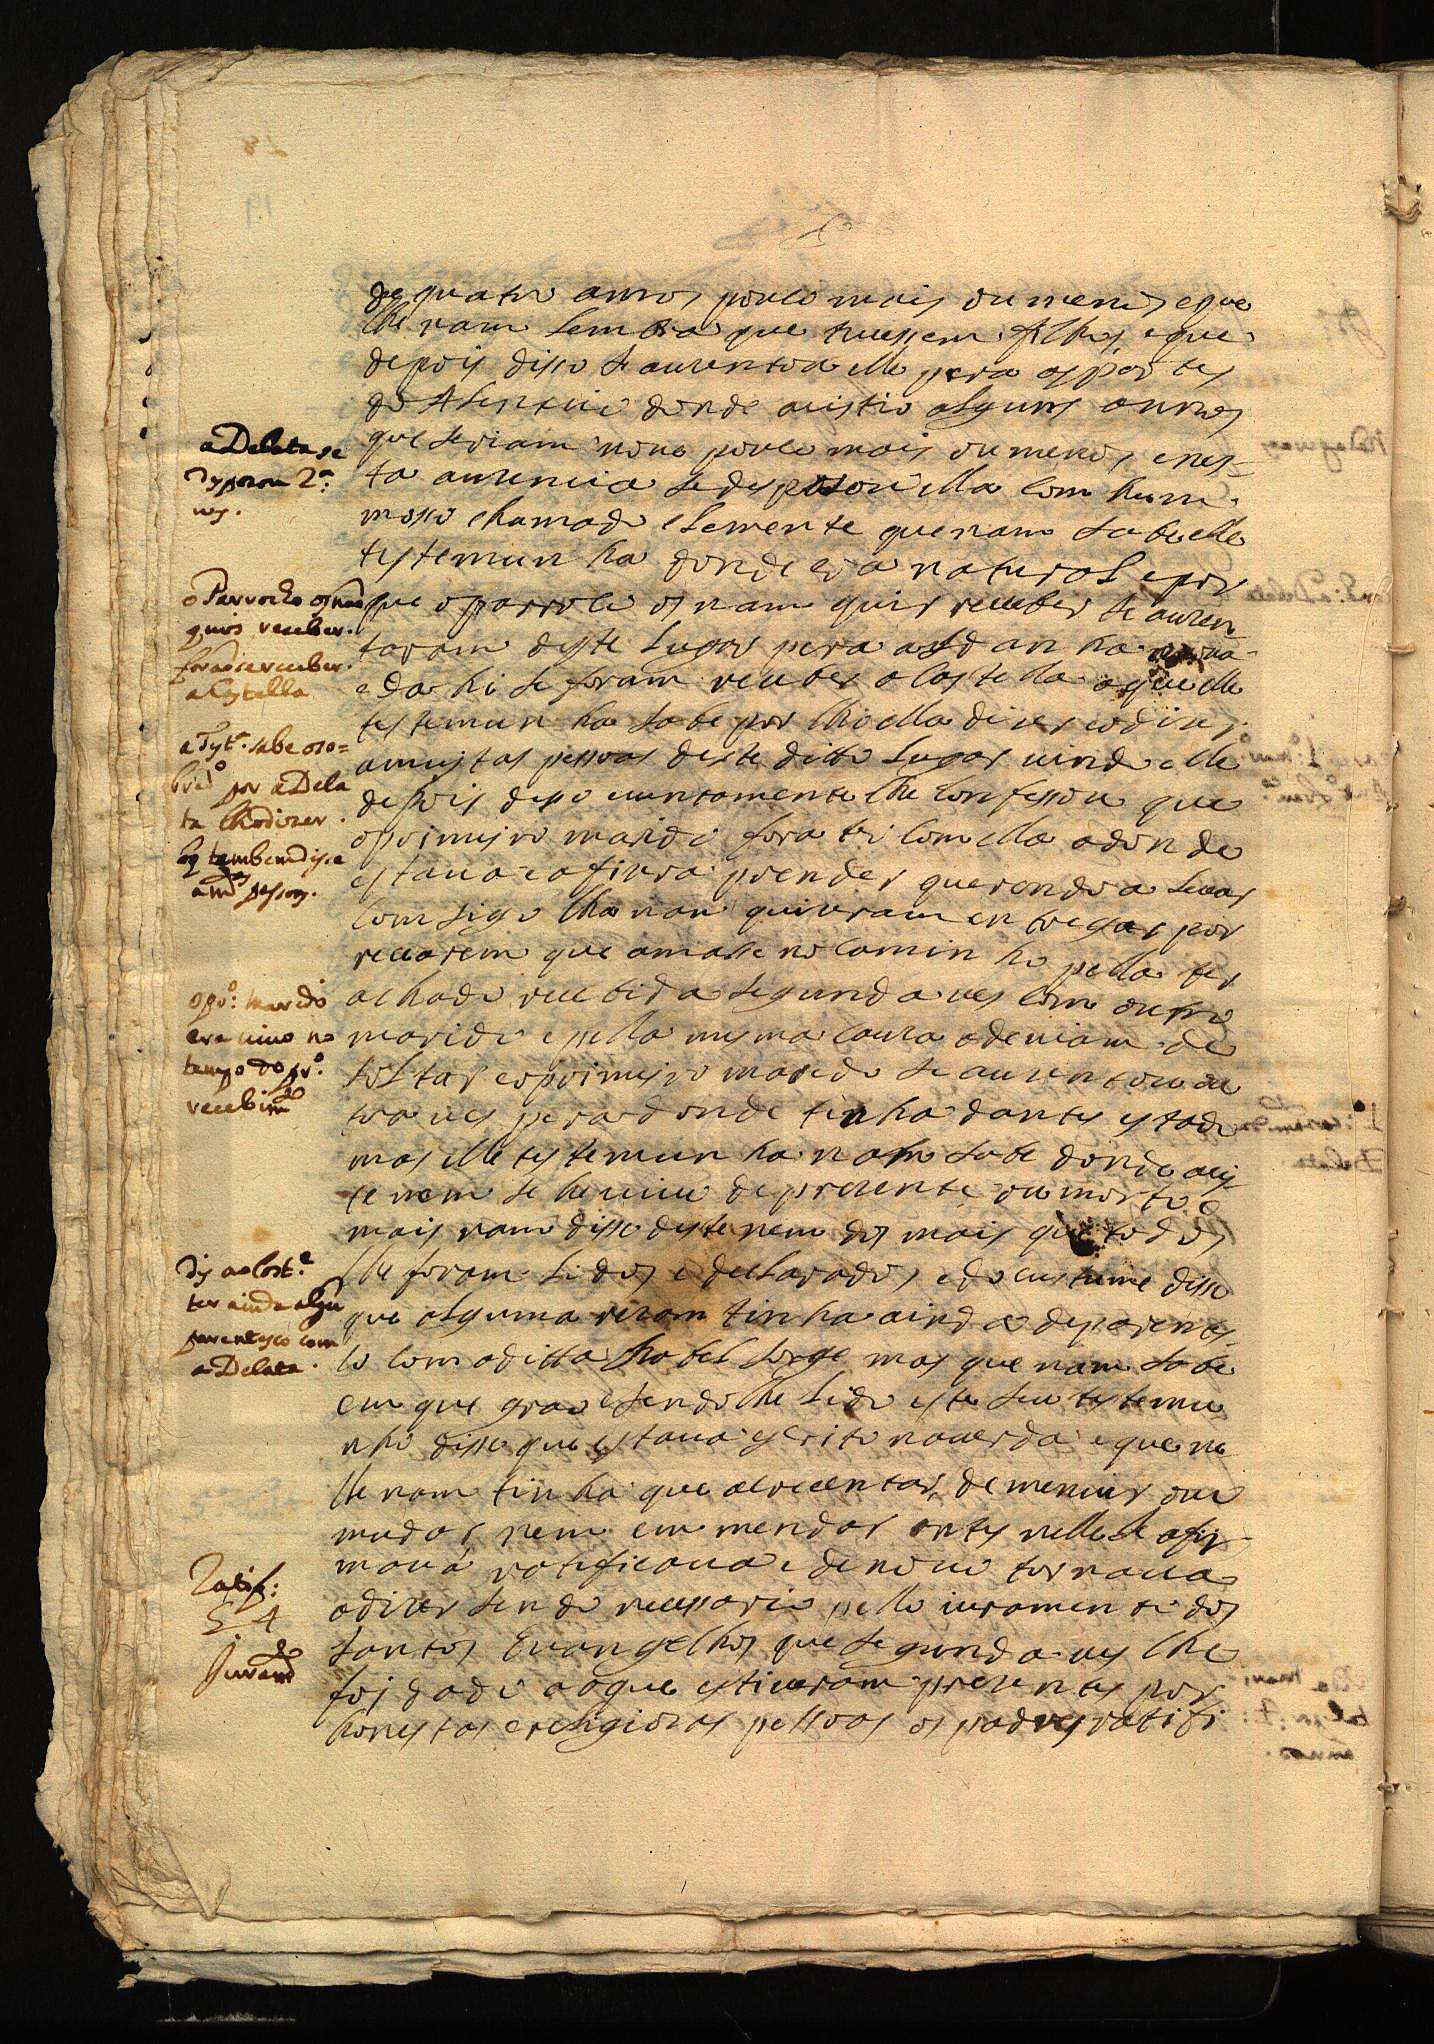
de quatro annos pouco mais ou menos e que
lhe nam lembra que tiuessem filhos, e que
depois disso se auzentou elle para as partes
do Alenteio donde acistio alguns annos
que seriam noue pouco mais ou menos e nes
ta auzencia se desposou ella com hum
mosso chamado clemente que nam sabe elle
testemunha donde era natural e por
que o parroco os nam quis receber se auzen
taram deste lugar para a Idanha __ua
e dahi se foram receber a Castella a que elle
testemunha sabe por lho ella dizer e o dizer
a mujtas pessoas deste ditto Lugar uindo elle
depois disso iuntamente lhe confessou que
o primeiro marido fora ter com ella adonde
estaua e a fizera prender querendoa leuar
Comsigo lha nam quizeram entregar por
recearem que amasse no caminho pella ter
achado recebida segunda uez com outro
marido e pella mesma cauza a deuiam de
soltar e o primeiro marido se auzentou ou
tra ues pera donde tinha dantes estado
mas elle testemunha nam sabe donde acis
te nem se he uiuo de prezente ou morto e
mais nam disse deste nem dos mais que todos
lhe foram lidos e declarados e do custume disse
que alguma rezam tinha ainda de parentes
co com a ditta Izabel Iorge mas que nam sabe
em que grao e sendolhe lido este seu testemu
nho disse que estaua escrito na uerdade e que ne
lle nam tinha que acrecentar, demenuir ou
mudar, nem emmendar antes nelle se afir
maua rateficaua e de nouo tornaua
a dizer sendo necessario pello iuramento dos
santos Euangelhos que segunda ues lhe
foi dado ao que estiueram prezentes por
honestas e religiozas pessoas os padres ratifi
a Delata se
despozou 2a:
ues.
o Parrocho os naõ
quis receber.
foraõse receber.
a Castella
a Testa. sabe o so
bredo por a Dela
ta lho dizer.
o q̄ tambem disse
a mtas pessoas.
O poo: marido
era uiuo no
tempo do pro.
recebimto
dis ao Cost.e
ter ainda algū
parentesco com
a Delata.
Ratif:
E 4
Juramto
